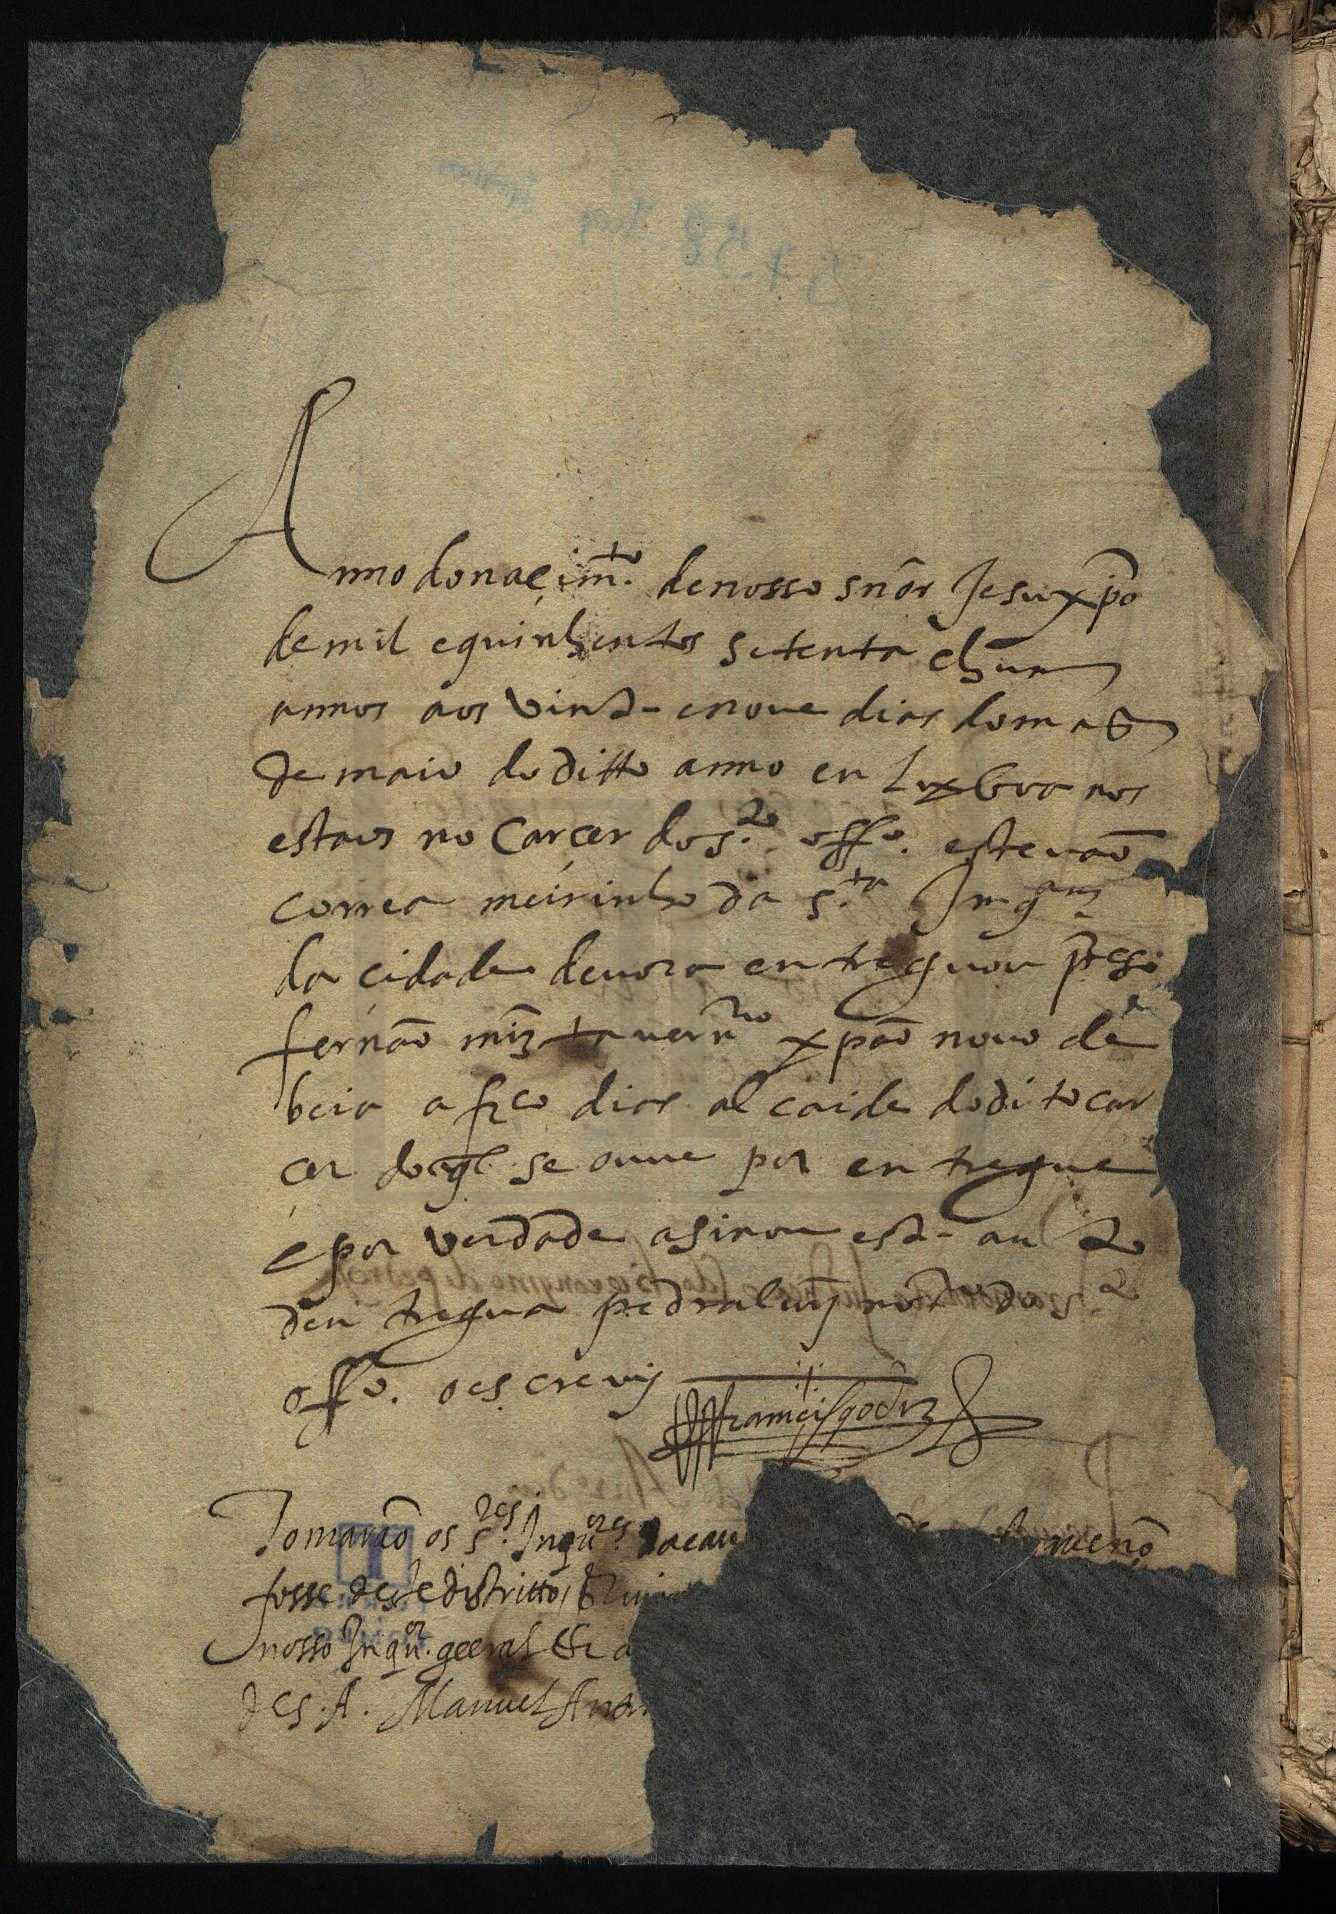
Anno do nacim.to de nosso snōr Jesu xp̄o
de mil e quinhentos setenta e hum
annos aos vinte e noue dias do mes
de maio do ditto anno en Lixboa nos
estaos no Carcer do s.to offo. esteuaõ
correa meirinho da s.ta Jmqam
da cidade deuora entreguou preso
fernão mīz tauernro xpão nouo de
beia a frco dias alcaide do dito car
cer do q̄l se ouue por entregue
e por verdade asinou este auto
dentregua pedraluēz notro do s.to
offo. o escreuy
framcisqo diz
Tomarão os s.res Inqu.ores da cau
fosse deste distritto/ p̄o u
nosso Inqu.or geeral &c a
de s. A. Manuel Antu
